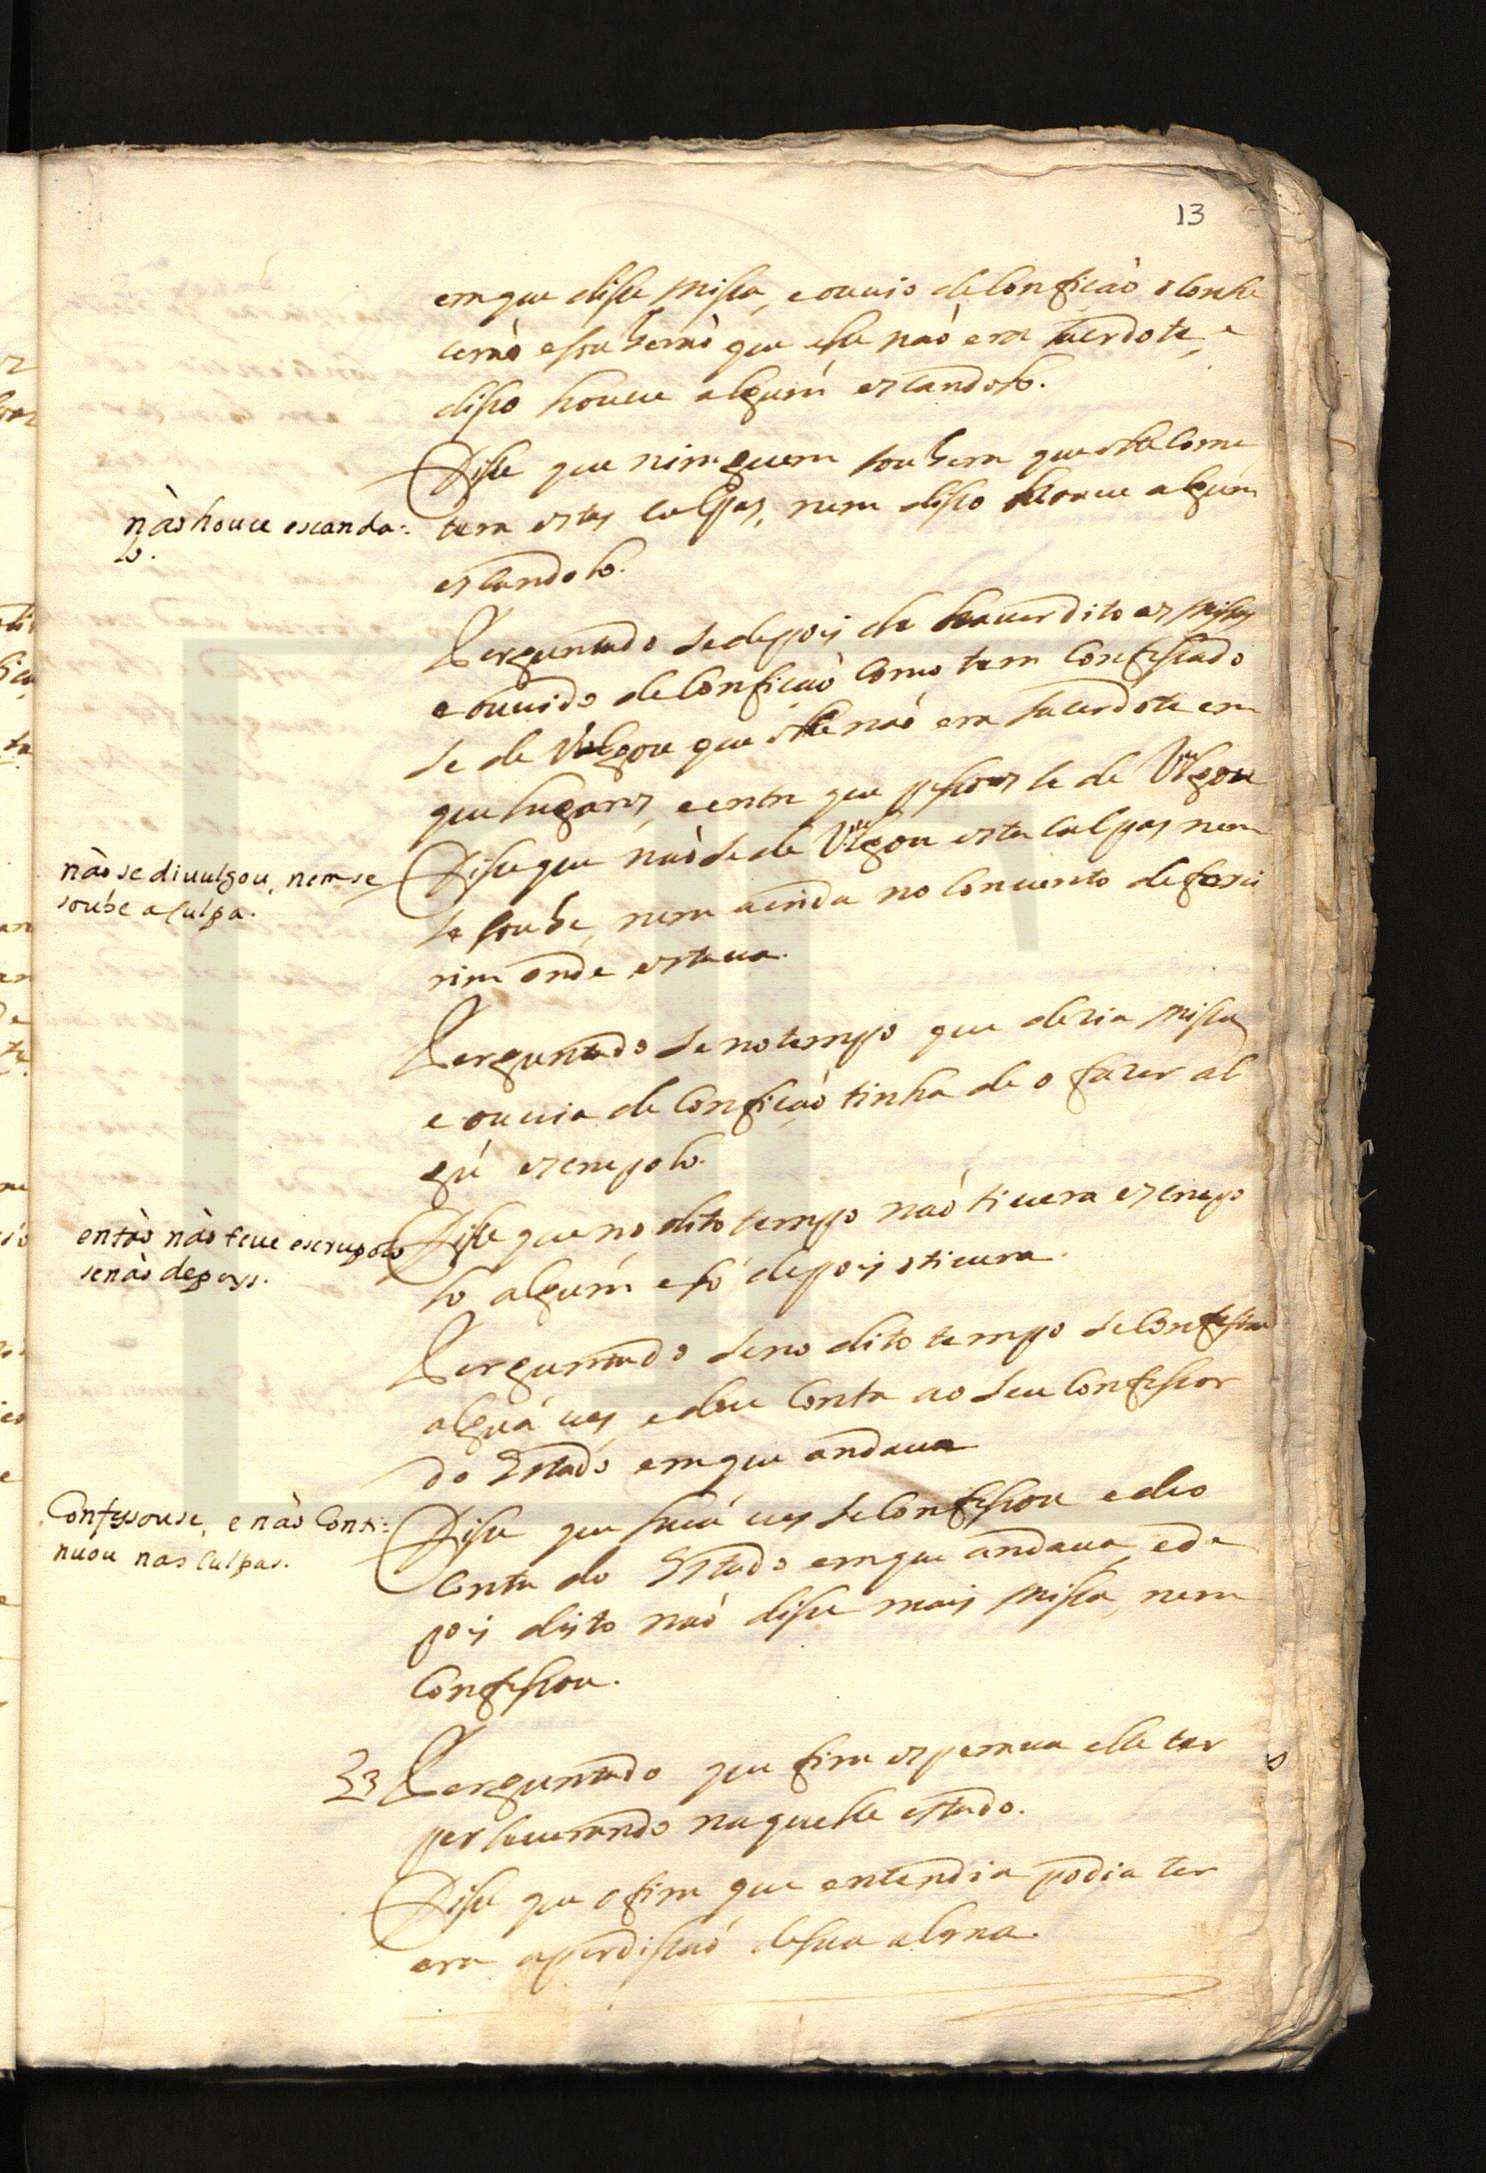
naõ houue escanda
lo.
não se diuulgou, nem se
soube a Culpa.
então não teue escrupolo
senão depoys.
Confessouse, e não Conti
nuou nas culpas.
em que disse missa, e ouuio de Confiçaõ o conhe
ceraõ e souberaõ que elle naõ era sacerdote, e
disso houue algum escandalo.
Disse que nimguem soubera que elle come
tera estas culpas, nem disso houue algum
escandolo.
Perguntado se depois de hauer dito as missas
e ouuido de Confiçaõ como tem confessado
se devulgou que elle naõ era sacerdote em
que lugares, e entre que pessoas se deVulgou
Disse que naõ se deVulgou estas culpas nem
se soube, nem ainda no conuento de ferrei
rim onde estaua.
Perguntado se no tempo que dezia missa
e ouuia de Confiçaõ tinha de o fazer al
gū escrupolo.
Disse que no dito tempo naõ tiuera escrupo
lo algum̄ e só depois o tiuera.
Perguntado se no dito tempo se confessou
alguā uez, e deu conta ao seu confessor
do Estado em que andaua
Disse que huā uez se confessou e deo
conta do Estado em que andaua, e de
pois disto naõ disse mais missa, nem
confessou.
Perguntado que fim esperaua elle ter
perseuerando naquelle estado.
Disse que o fim que entendia podia ter
era a perdicaõ de sua alma.
